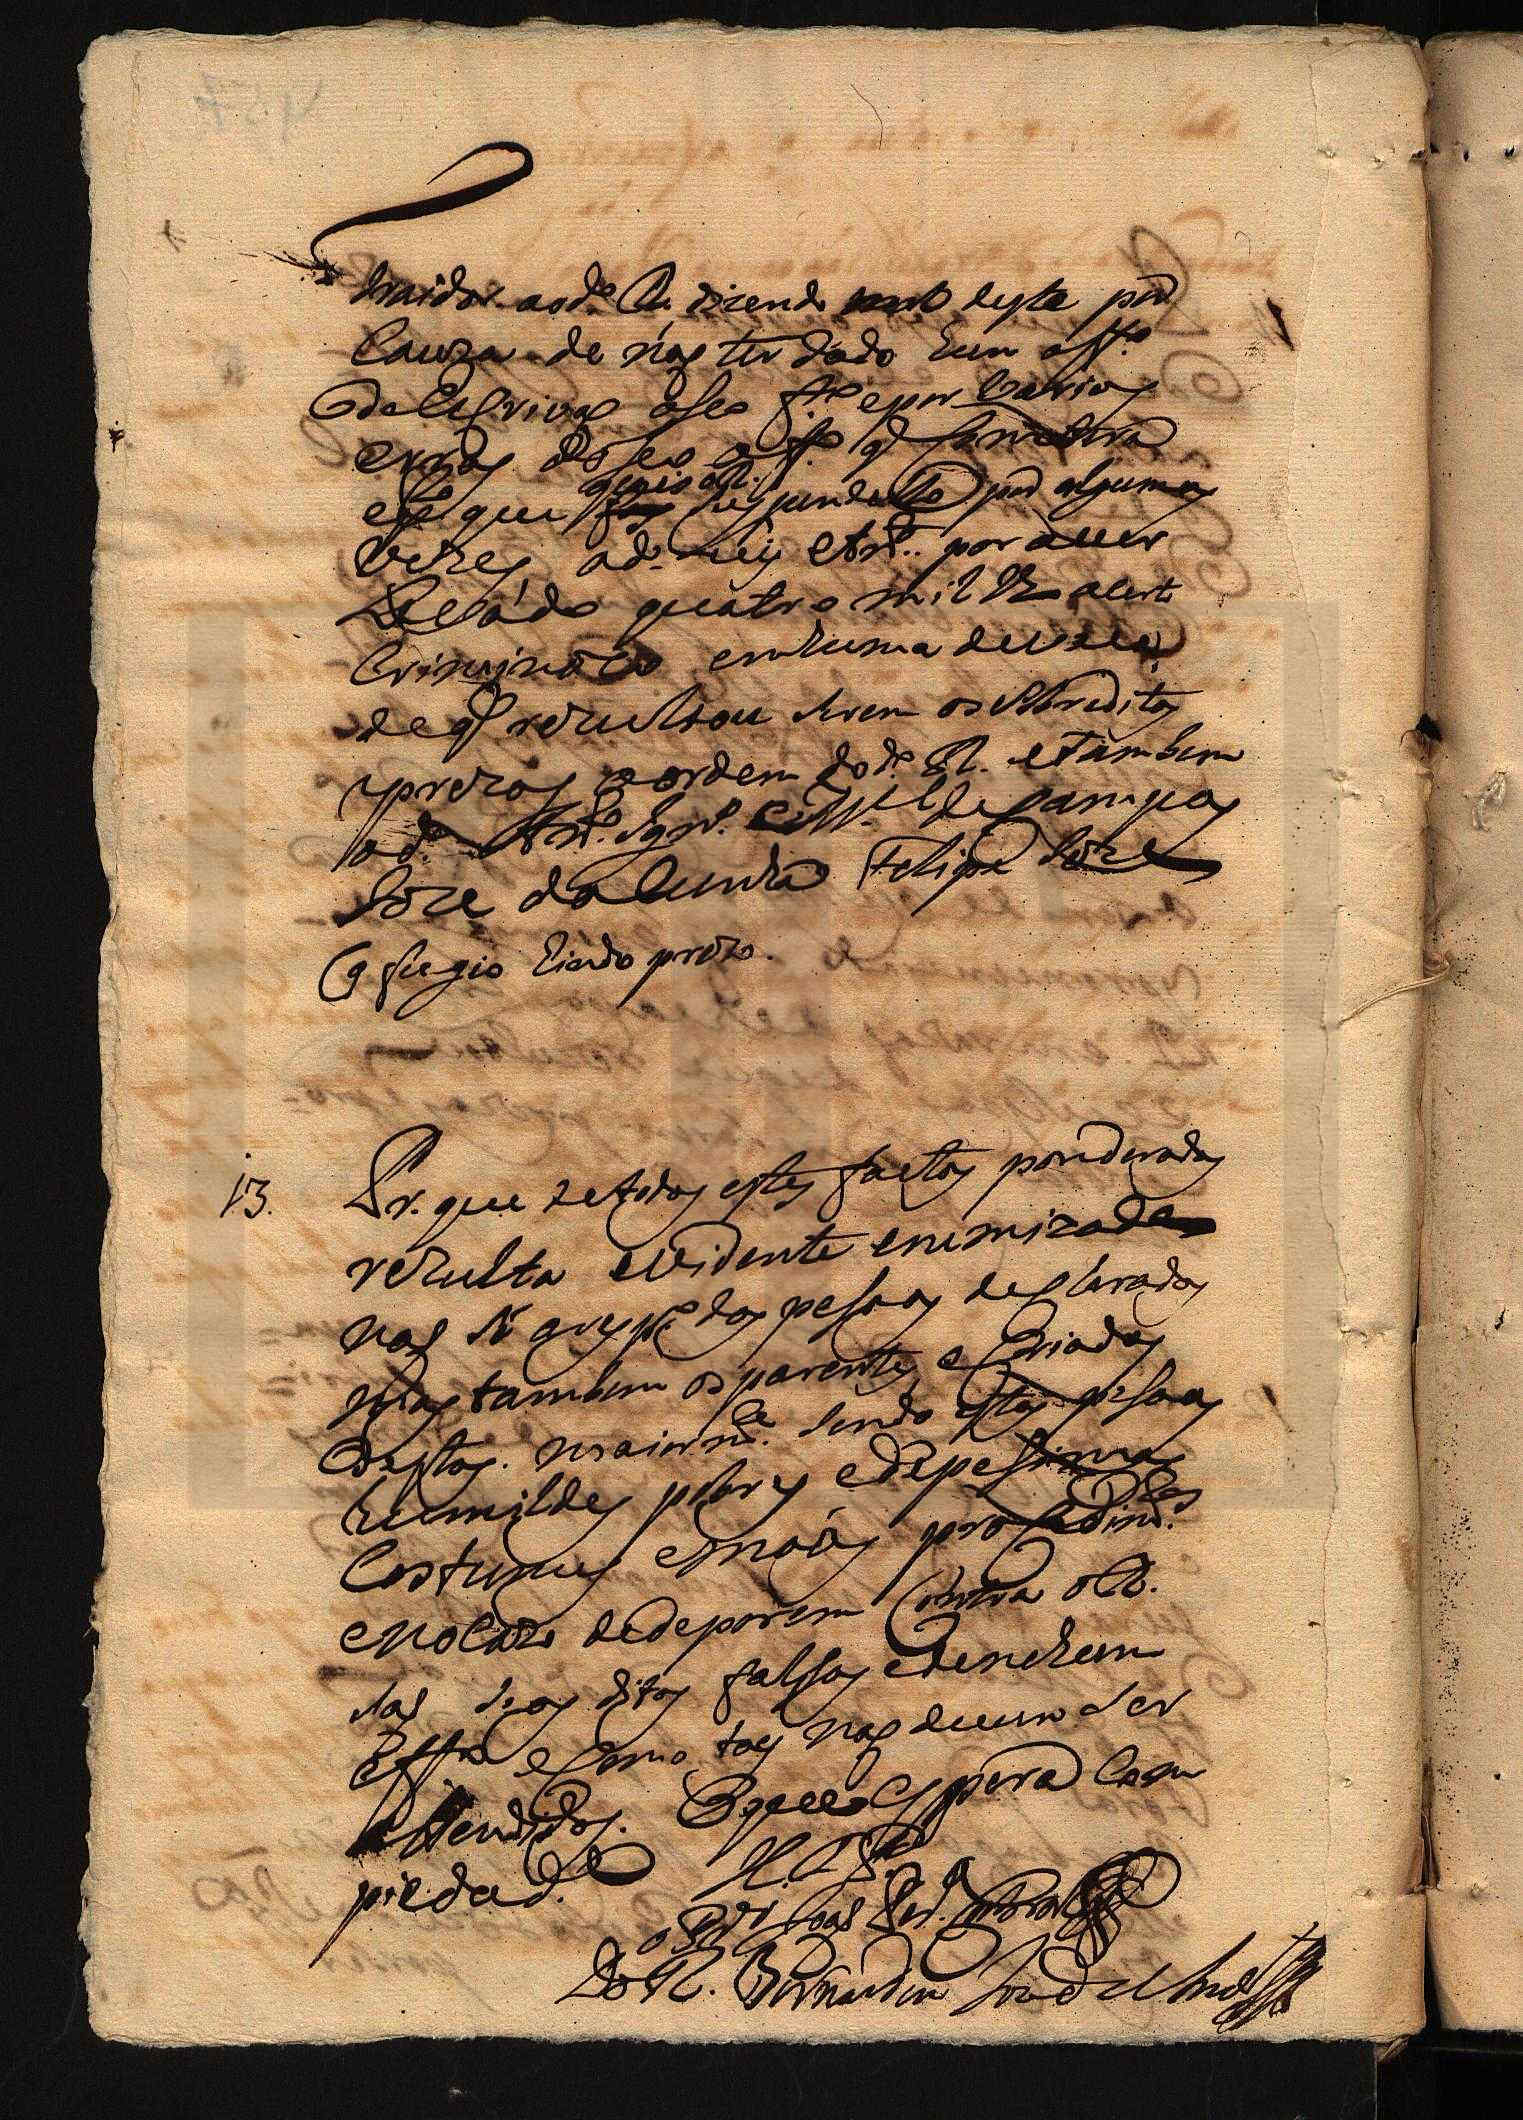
traidor ao d.o R. dizendo mal deste por
cauza de naꝭ ter dádo hum off.o
de EsCrivaꝭ a seo f.o e por varios
erros do seo off.o q̄ Cometera
quis o R.
e plo que foy suspendello por algumas
vezes, o do Luis An.to por o uer
Levado quatro mil rz a certo
Criminozo em huma devaça,
de q̄ rezultou serem os Sobreditos
prezos a ordem do d.o R. e tambem
o d.o An.to Ign.o e M.el de Campos
Ioze da Cunha Felipe Ioze
q̄ fugio hindo prezo.
Pr. que de todos estes factos ponderados
i3.
rezulta evidente enimizade
naꝭ só a respo. das pesoas deClaradas
mas tambem os parentes, e Criados
destas maiorm.te sendo estas pesoas
humildes pobres e de pesimos
Costumes e mais proCedim.tos
e no cazo de deporem Contra o R.
saõ seos ditos falsos e de nehum
effo e Como taes naꝭ deuem ser
attendidos. E que espera com
piedad.e
o Pror Joaõ Per.a Cabral
Do R. Bernardino Ioze de Ande
